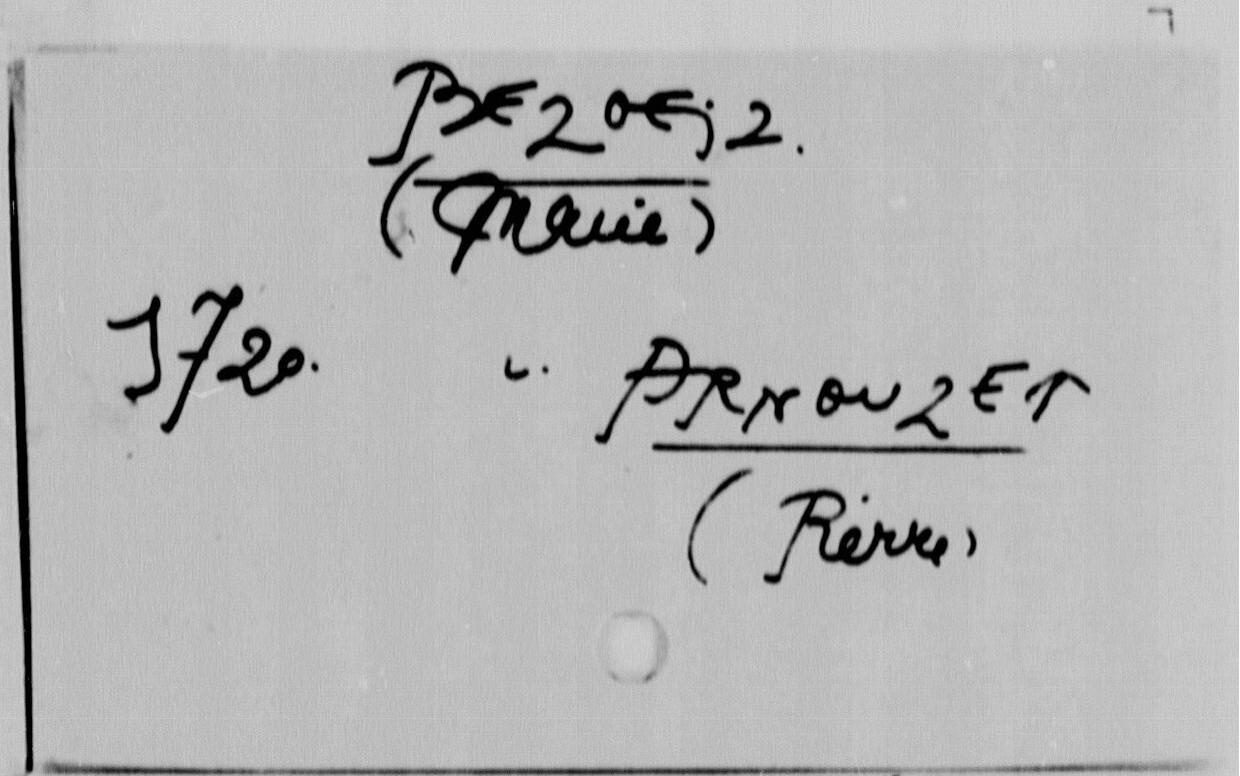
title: BEZOEIL (Marie)
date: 1720
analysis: Voir ARNOULET (Pierre)
